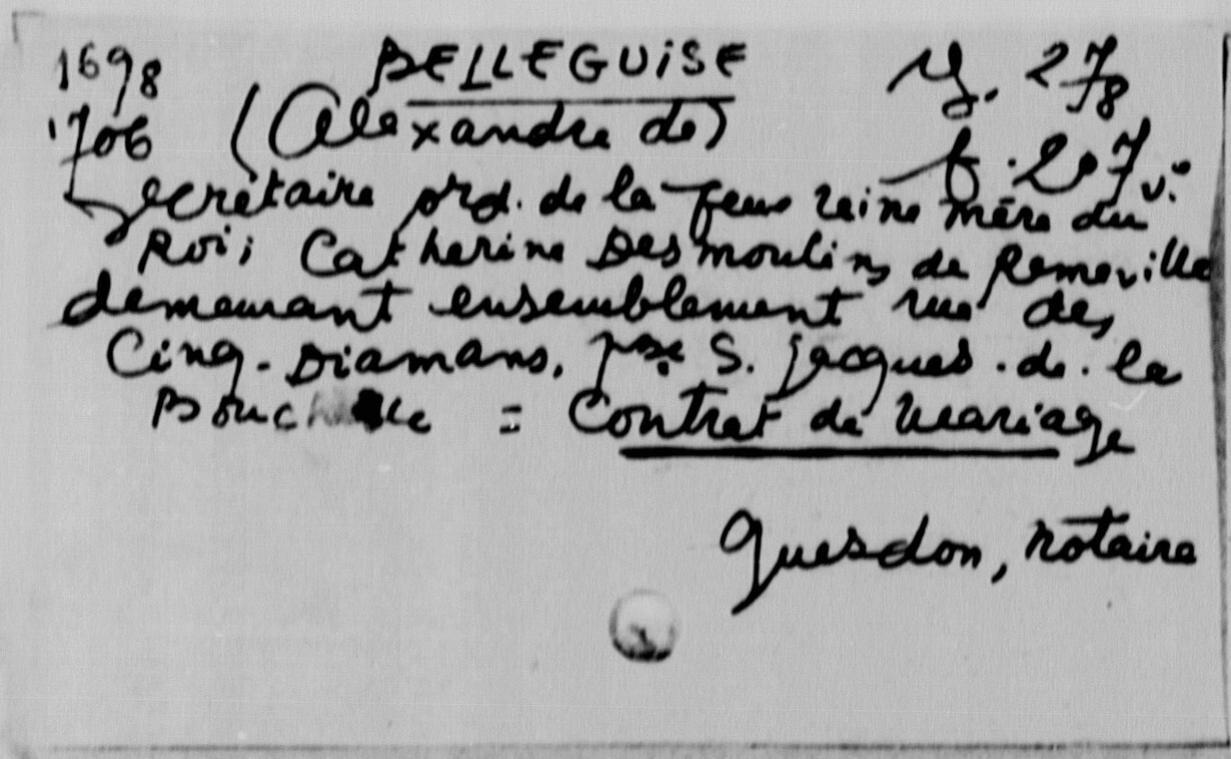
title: BELLEGUISE (Alexandre de)
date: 1698-1706
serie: Y
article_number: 278
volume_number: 207v
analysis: secrétaire ordinaire de la feue reine mère du Roi, Catherine Des moulins de Renneville demeurant ensemblement rue des Cing Diamans, paroisse Saint Jacques-de-la Boucherie : Contrat de Mariage Guesdon, notaire
